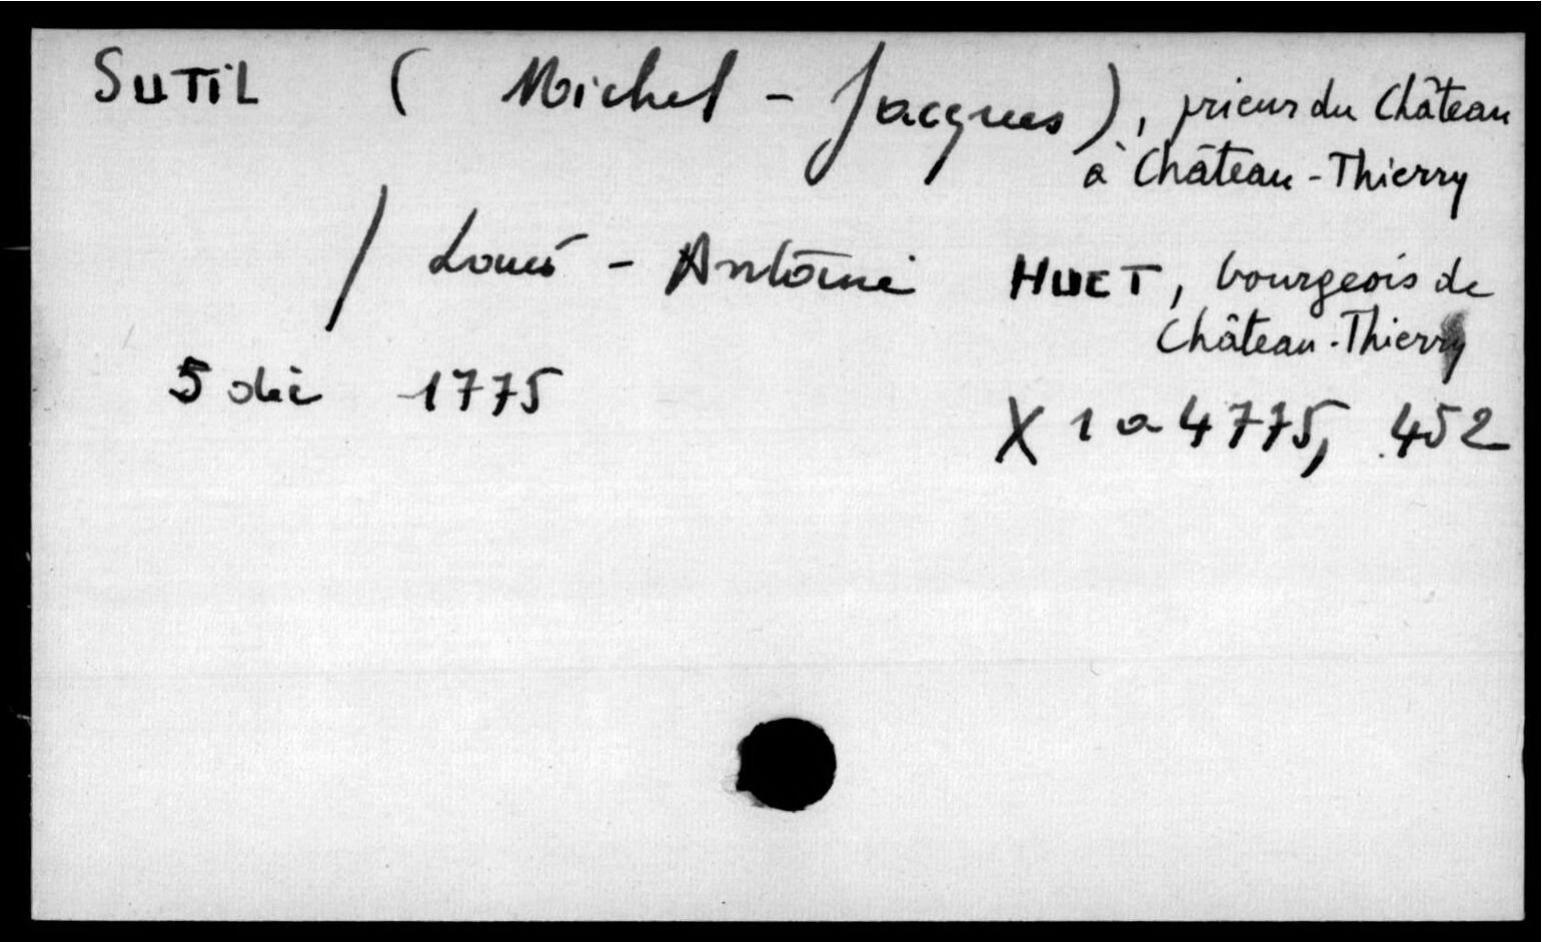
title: SUTIL (Michel-Jacques), prieur du Château à Château-Thierry
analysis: Contre Louis-Antoine HUET, bourgeois de Château-Thierry
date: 5 décembre 1775
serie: X1a
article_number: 4775
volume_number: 452
